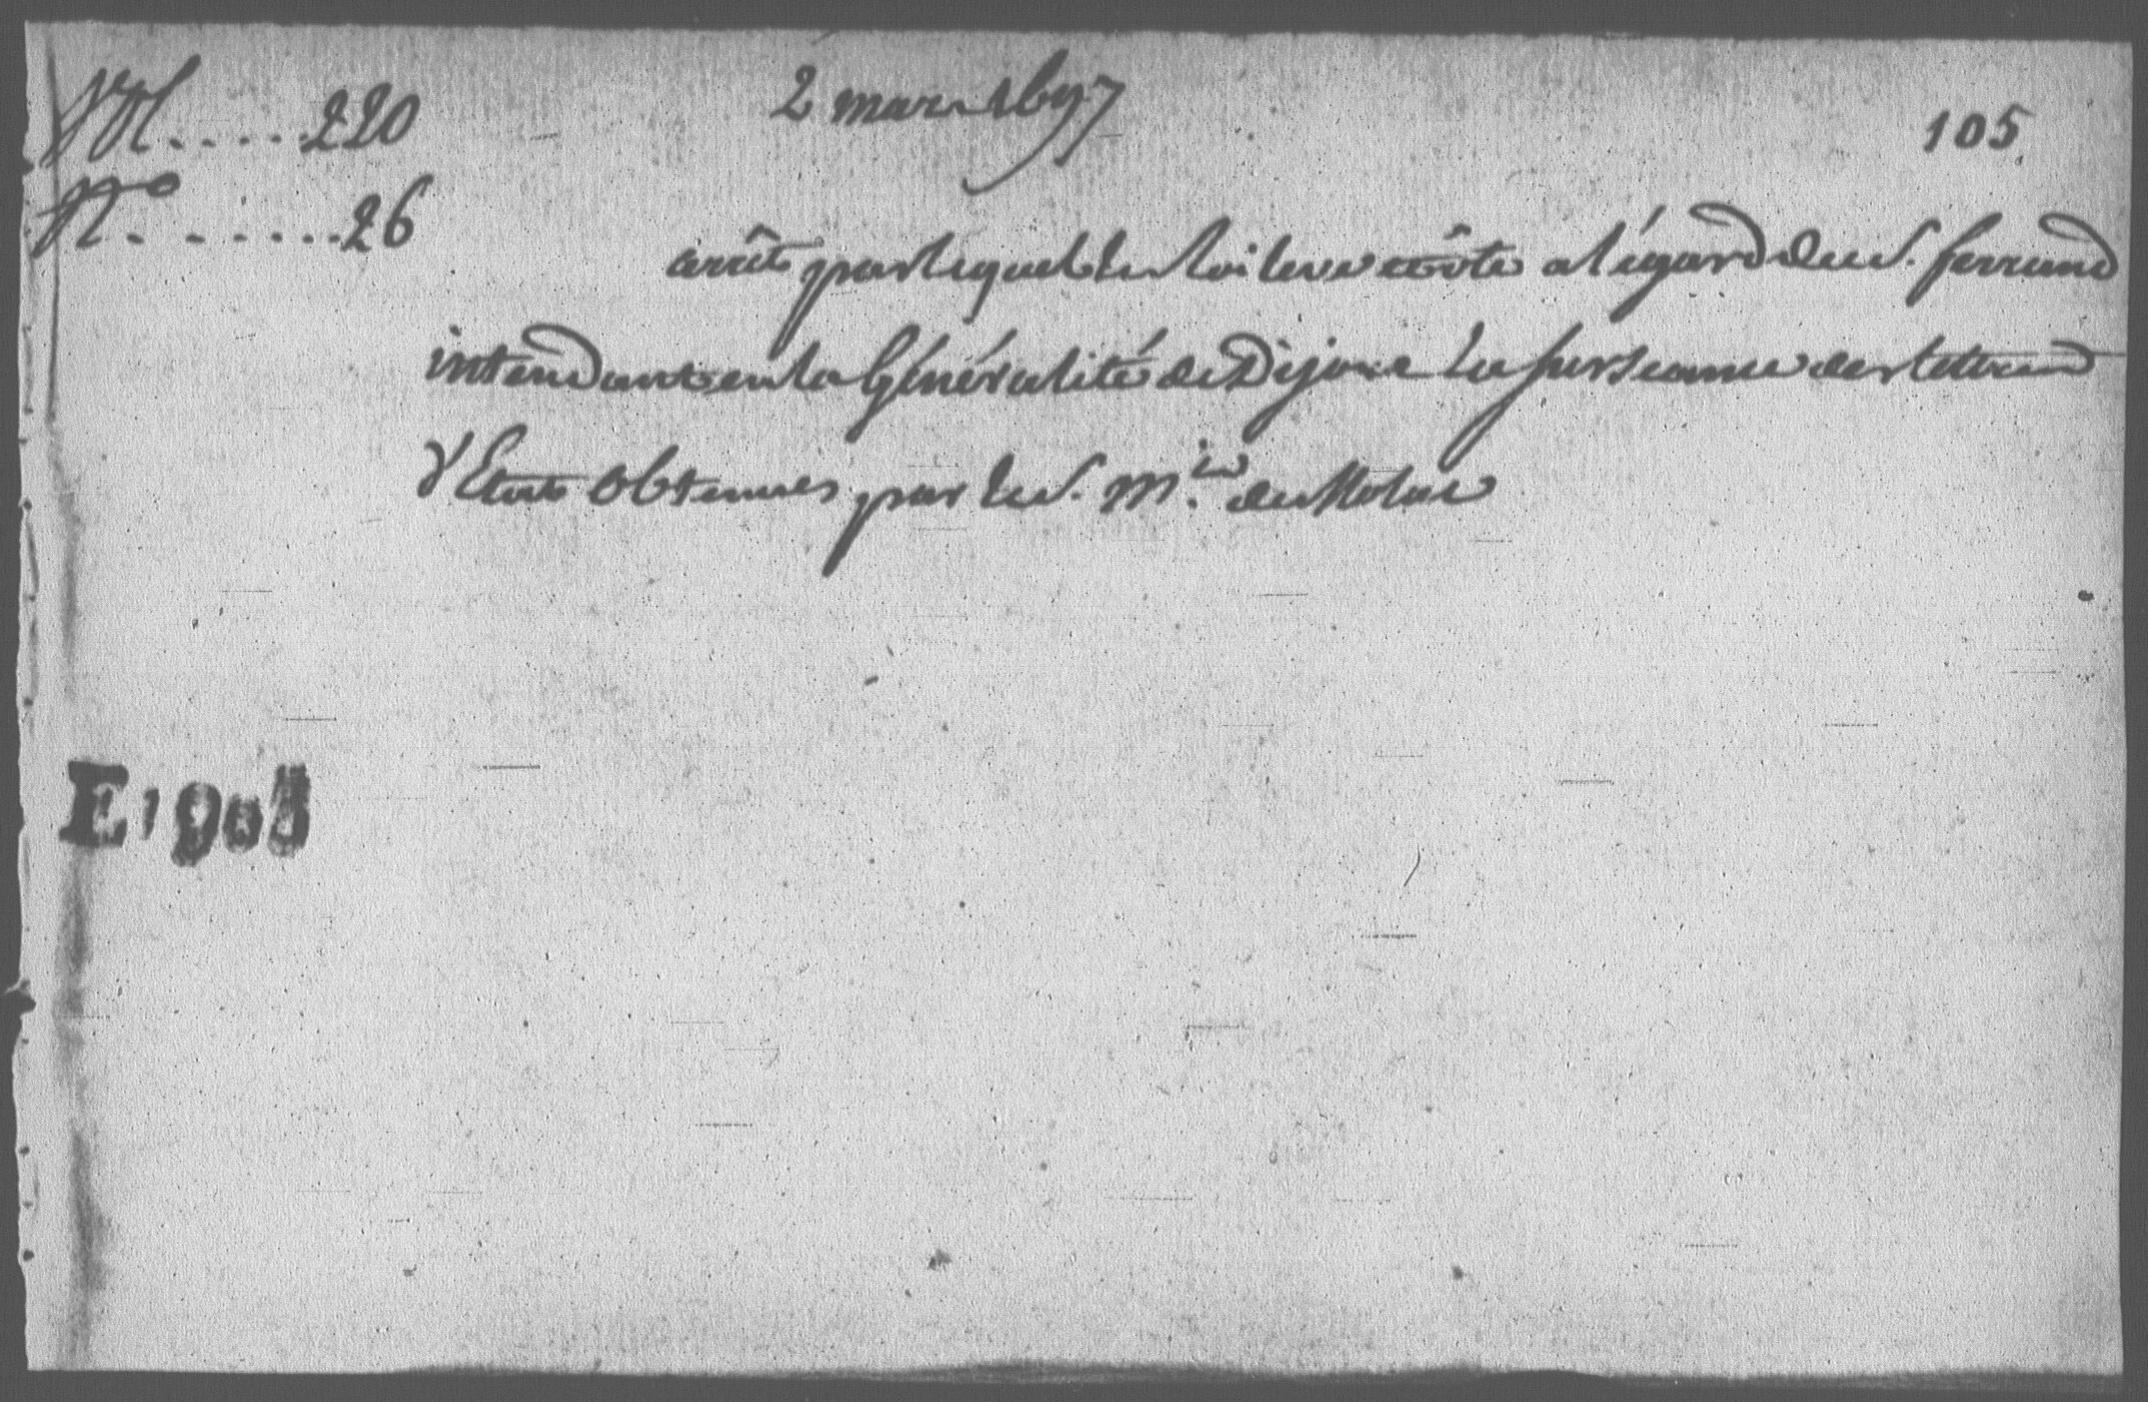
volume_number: n°26
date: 2 mars 1697
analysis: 105
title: arrêt par lequel le Roi leve et ôte a l'egard du S. Ferrand intendant en la généralité de Dijon la surseance des lettres d'Etat obtenues par le S. Marquis de Molac
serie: E
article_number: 1903
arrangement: vol. 220
